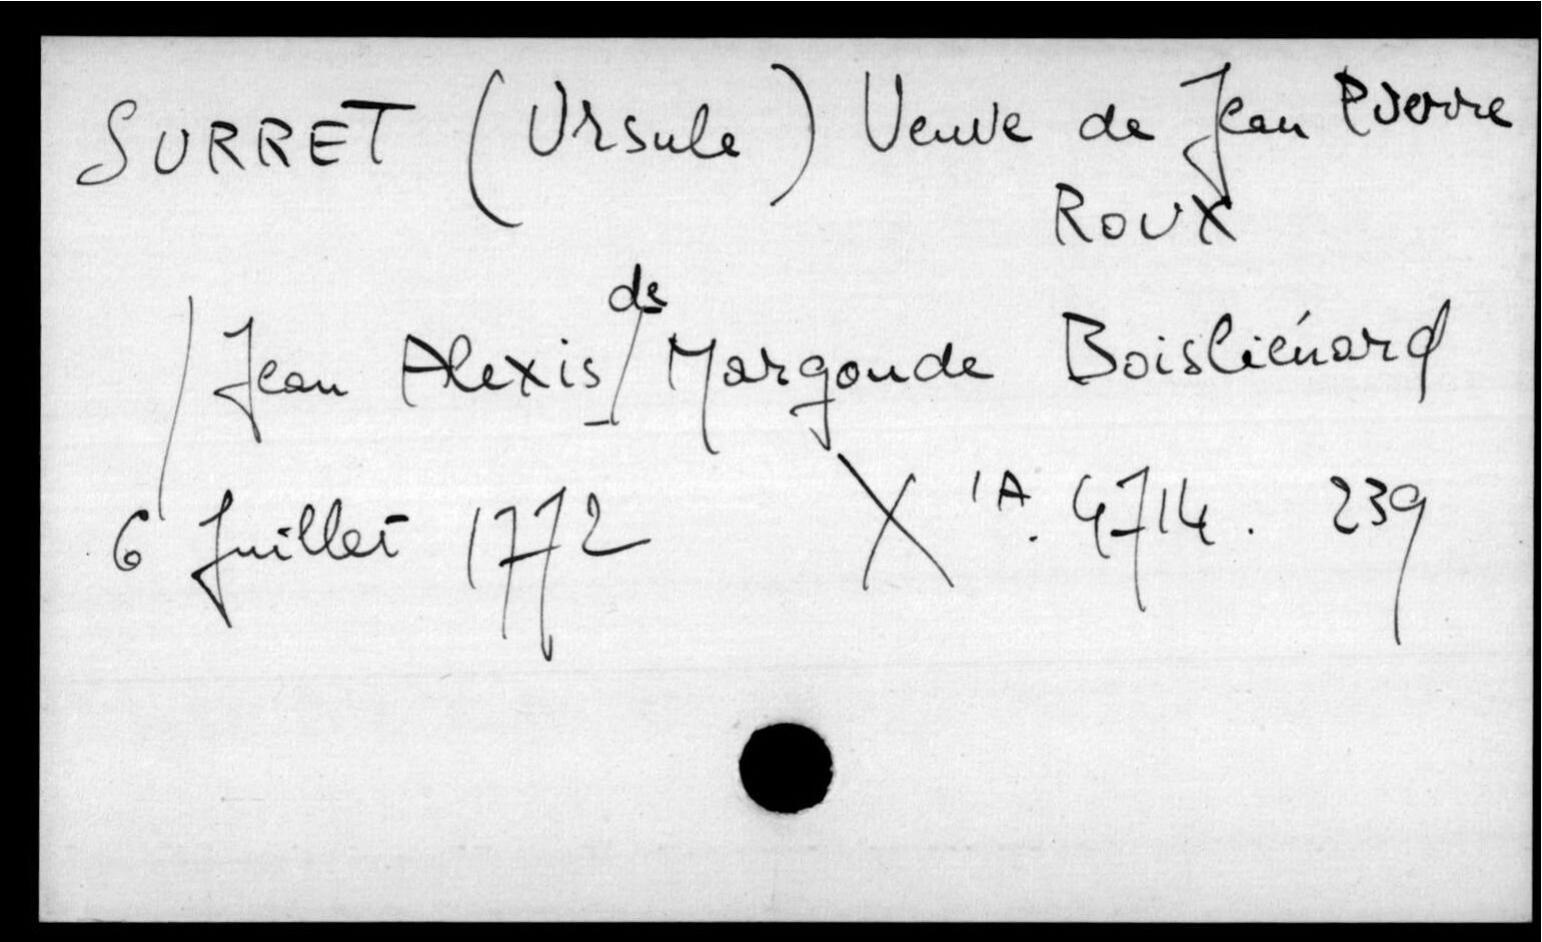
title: SURRET (Ursule) Veuve de Jean Pierre ROUX
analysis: contre Jean Alexis de Margoude Boisliénard
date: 6 juillet 1772
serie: X1A
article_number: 4714
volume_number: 239
